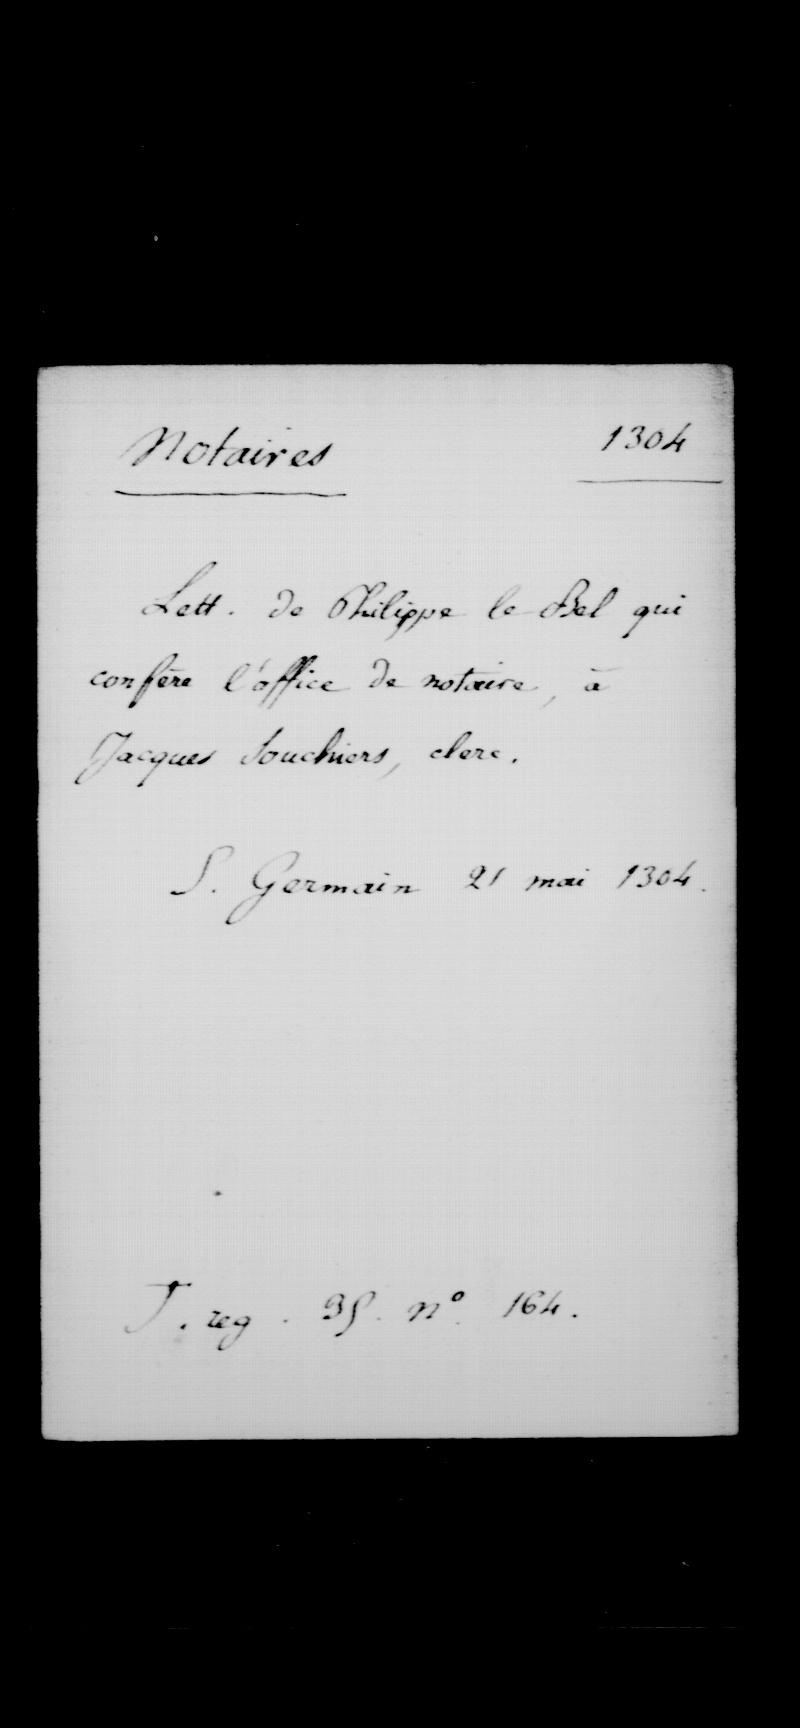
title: Notaires
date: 1304
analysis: Lettres de Philippe le Bel qui confère l'office de notaire, à Jacques Souchiers, clerc. Saint Germain 21 mai 1304
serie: J
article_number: reg 35
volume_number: n° 164
